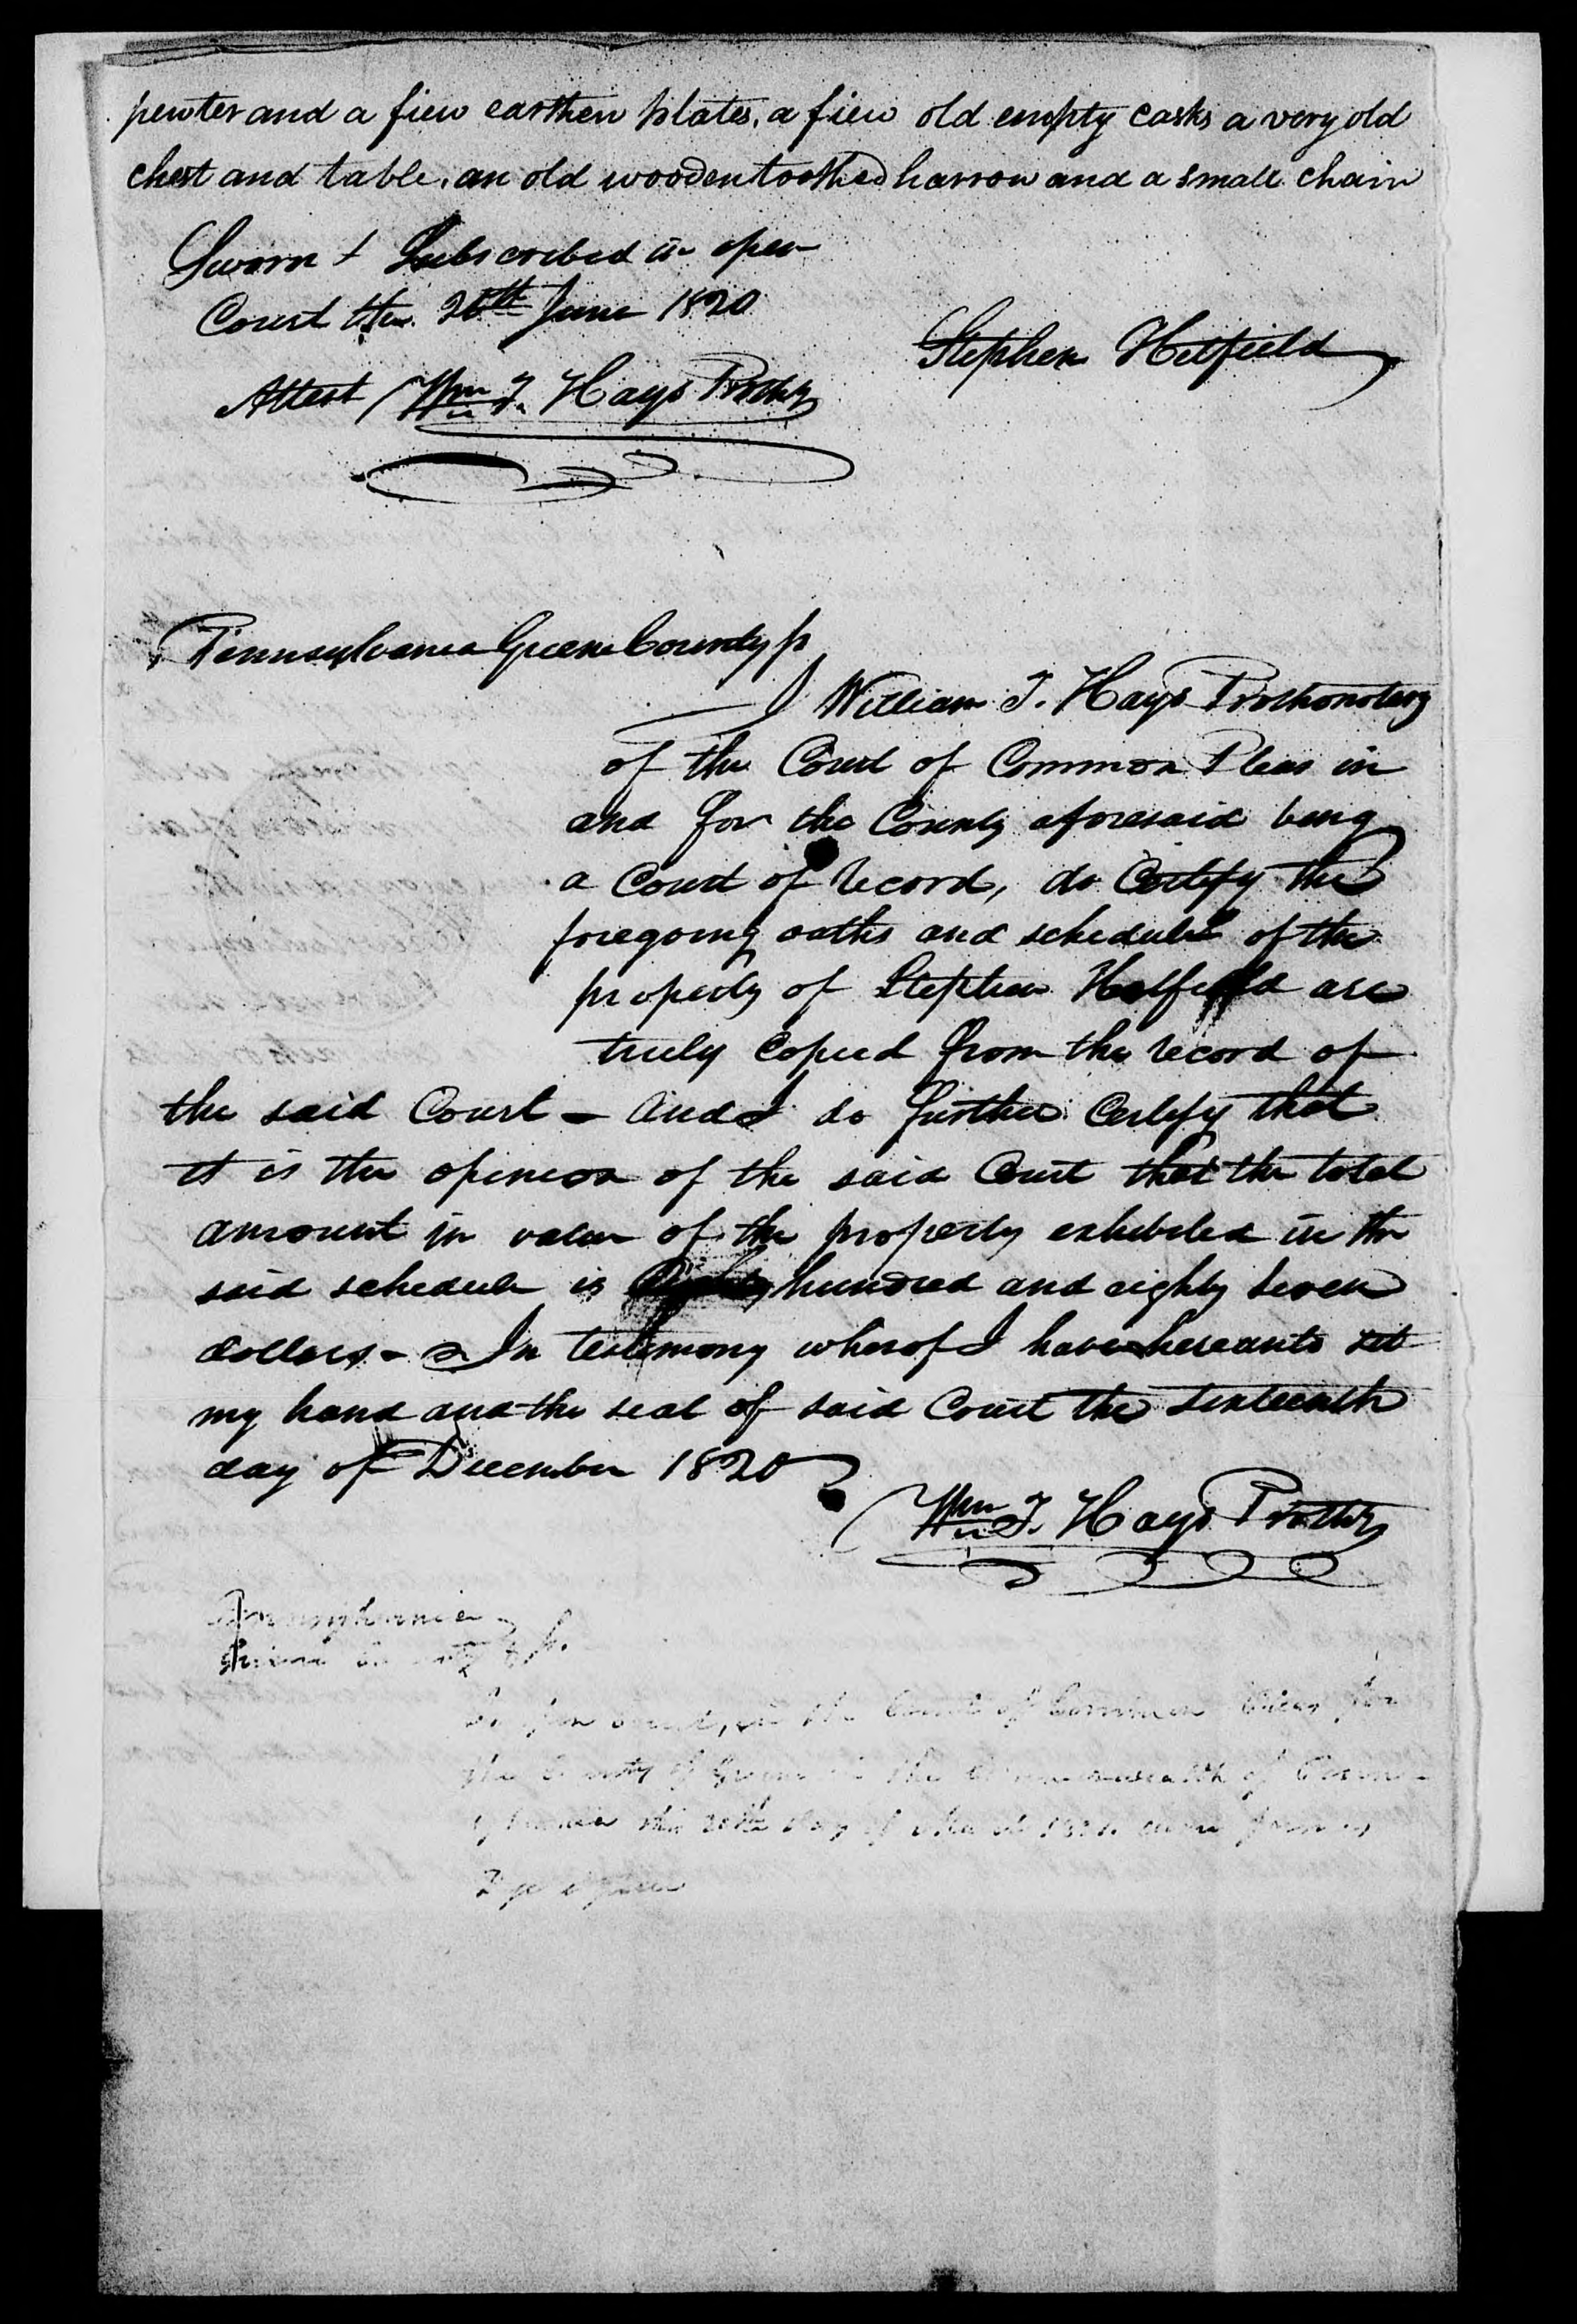pewter and a fiew earthern plates, a fiew old empty casks a very old
chest and table.  an old woodentoothed harrow and a small chain

Sworn & Subscribed in open
Court the 26th June 1820

Attest Wm T. Hays Proth [flourish]

Stephen Hetfield

[The outline of a seal appears to the left of the following.]

Pennsylvania Greene County Ss
I William T. Hays Prothonotary
of the Court of Common Pleas in
and for the County aforesaid being
a Court of Record, do Certify the
foregoing oaths and schedule of the
property of Stephen Hetfield are
truly copied from the record of
the said Court -  And I do further Certify that
it is the opinion of the said Court that the total
amount in value of the property exhibited in the
said schedule is [word blacked out] hundred and eighty seven
dollars --  In testimony wherof I havehereunto set
my hand and the seal of Said Court the sixteenth
day of December 1820.

Wm T. Hays  Proth [flourish]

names: Wm T Hays, Stephen Helfield, Stephen Hetfield, Wm T Hays, William T Hays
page: 6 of 45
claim: widow's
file: W. 2734, Stephen Hetfield, New Jersey